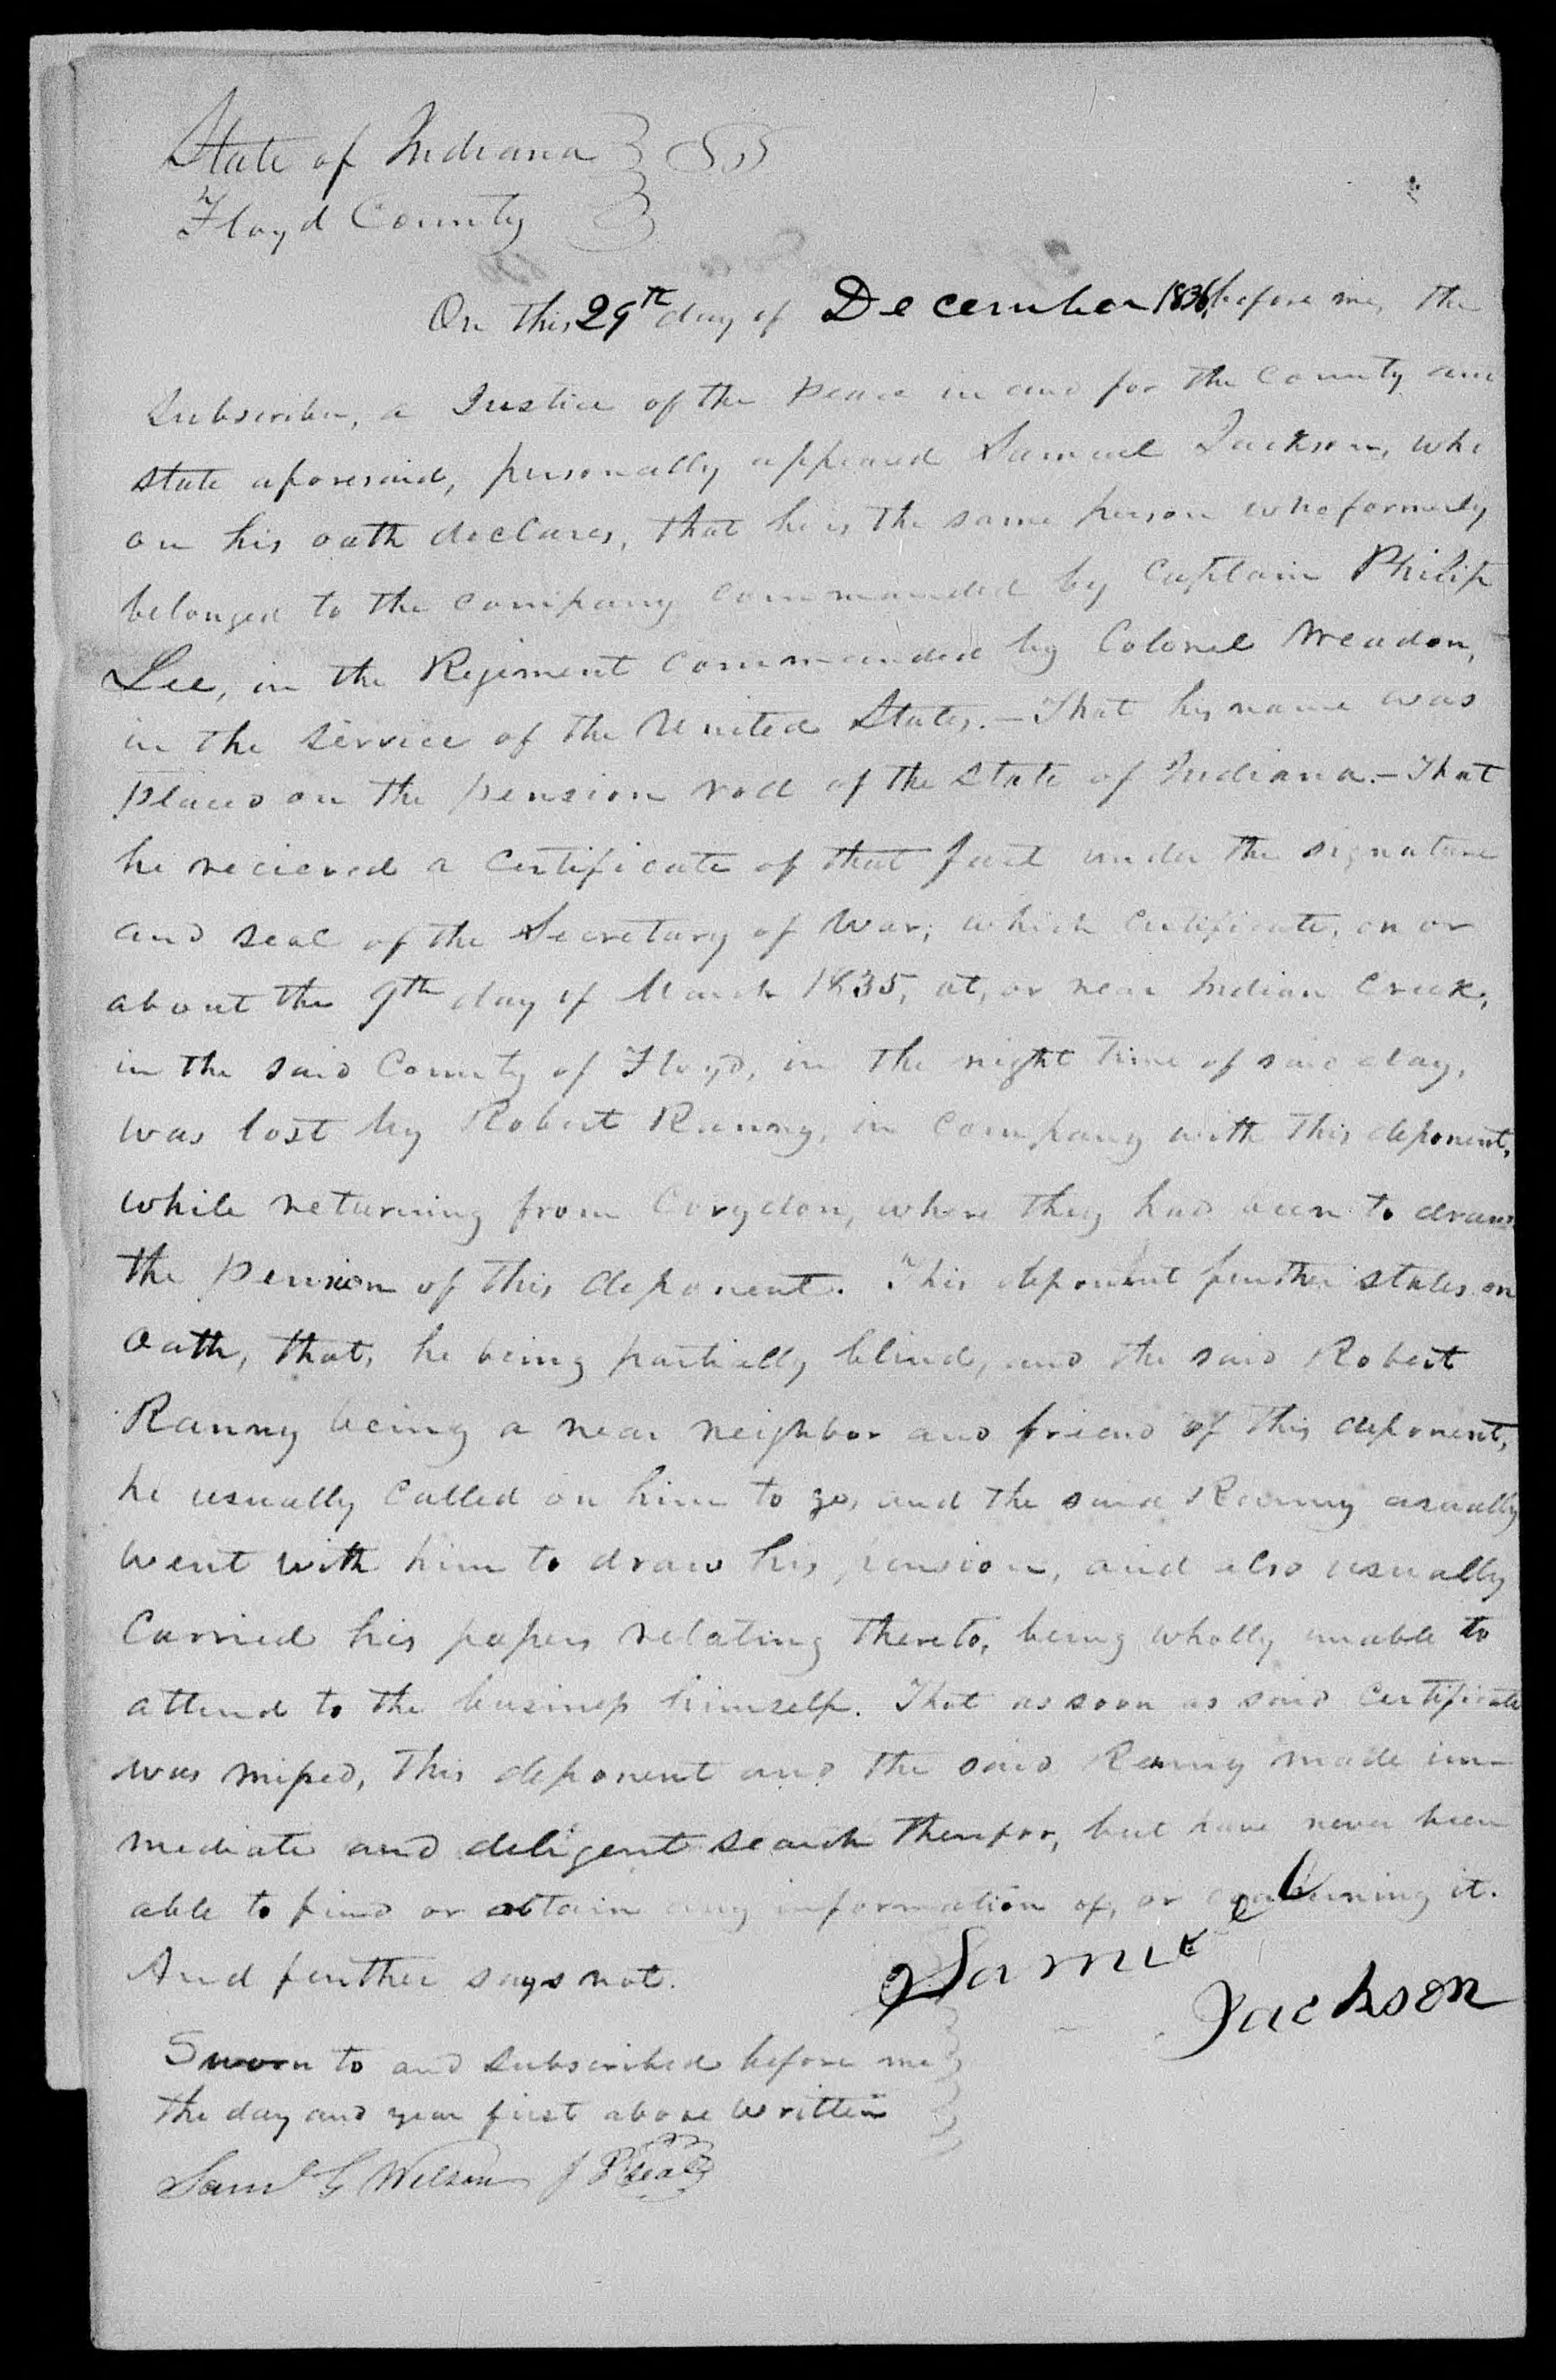State of Indiana
Floyd County
On this 29th day of December 1836 before me, the
Subscriber, a Justice of the Peace in and for the County and
State aforesaid, personally appeared Samuel Jackson, who
on his oath declares, that he is the same person who formerly
belonged to the company commanded by Captain Philip
Lee, in the Regiment commanded by Colonel Weadon
in the service of the United States. That his name was
placed on the pension roll of the State of Indiana _ That
he received a certificate of that fact under the signature
and seal of the Secretary of War; which certificate on or
about the 9th day of March 1835, at or near Indian Creek,
in the said County of Floyd, in the night time of said day,
was lost by Robert Ranny, in company with this deponent,
while returning from Corydon, where they had been to draw
the pension of this deponent. This deponent further states on
oath, that, he being partially blind, and the said Robert
Ranny being a near neighbor and friend of this deponent,
he usually called on him to go, and the said Ranny usually
went with him to draw his pension, and also usually
carried his papers relating thereto, being wholly unable to
attend to the business himself. That as soon as said certificate
was missed, this deponent and the said Ranny made immediate
and diligent search therefor, but have never been
able to find or obtain any information of or bring it.
And further says not.
Samuel Jackson
Sworn to and subscribed before me
the day and year first above written
Saml G Wilson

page: 30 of 56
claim: rejected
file: R 5529, for Samuel Jackson, Virginia